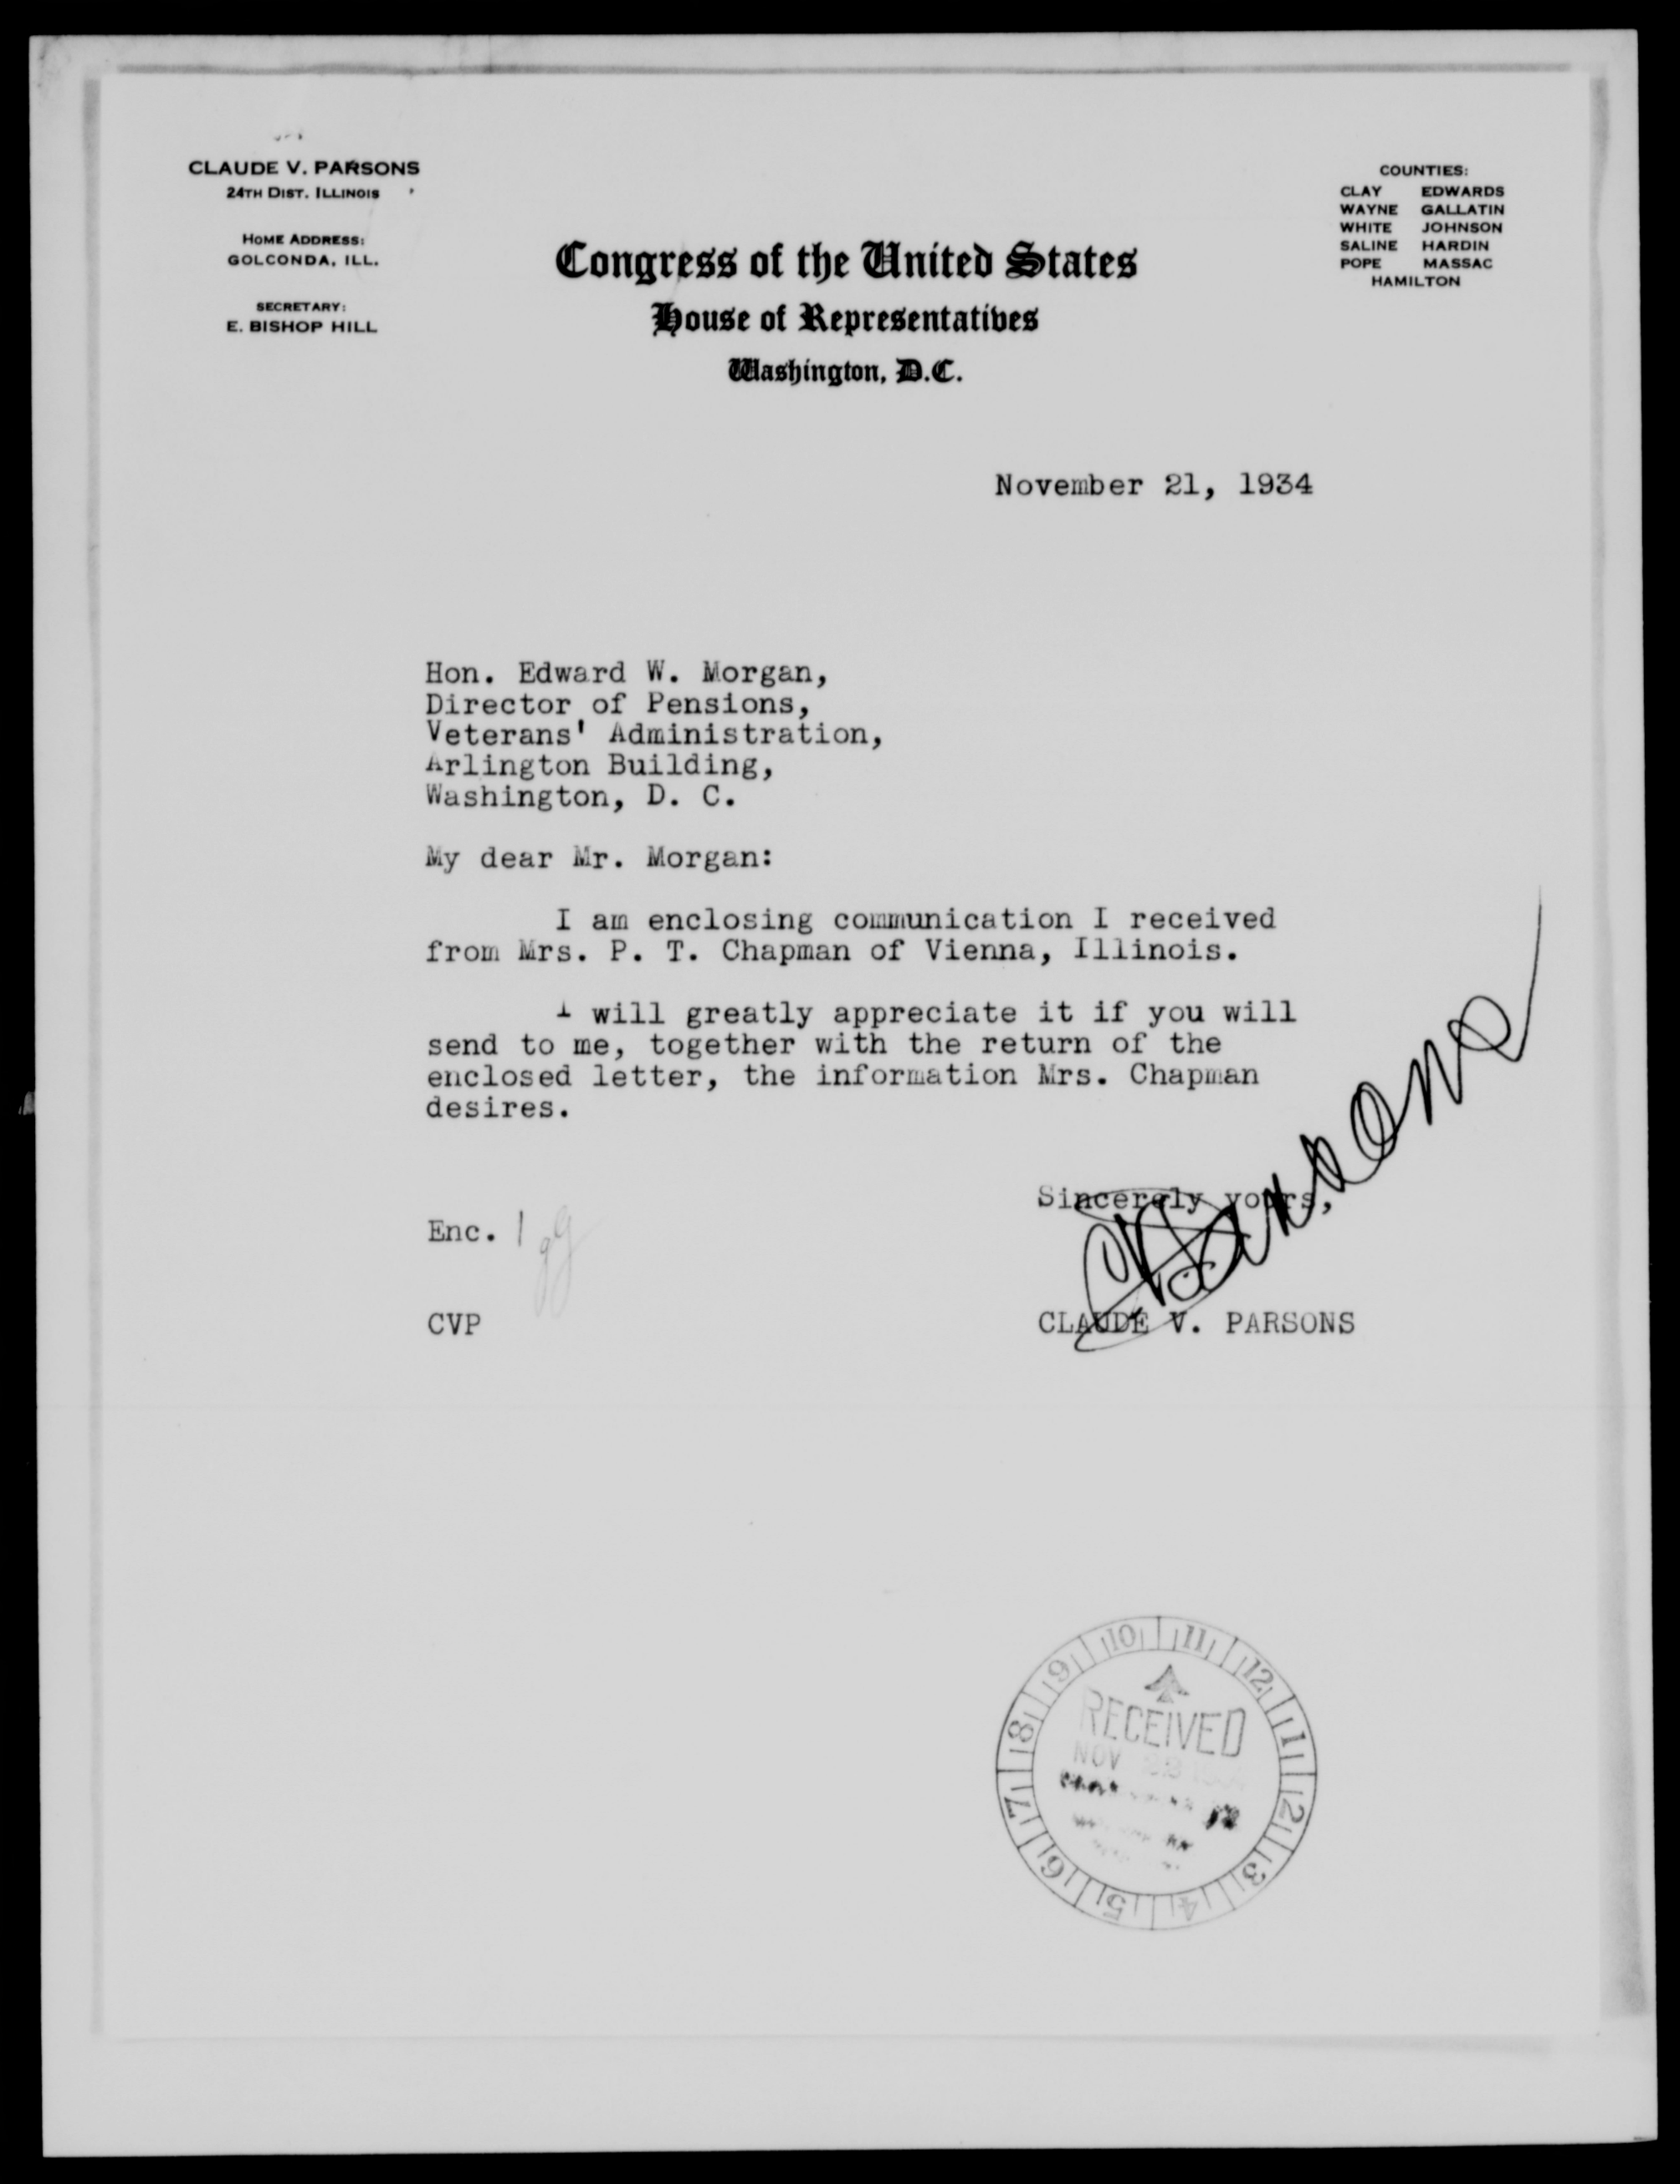COUNTIES:

CLAY ……   EDWARDS
WAYNE  ……   GALLATIN
WHITE ……    JOHNSON
SALINE ……    HARDIN
POPE …….. MASSAC
HAMILTON
 
 CLAUDE V. PARSONS
24TH DIST. ILLINOIS

HOME ADDRESS:
COLCONDA, ILL.

SECRETARY:
E. BISHOP HILL

Congress of the United States
House of Representatives
Washington, D.C.

November 21, 1934

Hon. Edward W. Morgan,
Director of Pensions,
Veterans' Administration,
Arlington Building,
Washington, D. C.

My dear Mr. Morgan:
I am enclosing communication I received from Mrs. P. T. Chapman of Vienna, Illinois.

I will greatly appreciate it if you will send to me, together with the return of the
enclosed letter, the information Mrs. Chapman desires.

Enc.                                  Sincerely yours  
CVP 						CLAUDE V. PARSONS


[STAMP:  RECEIVED    NOV  22   1934]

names: E Bishop Hill, Edward W Morgan, P T Chapman, Claude V Parsons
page: 30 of 31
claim: survivor's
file: S. 32608, William Wiggs, N.C.